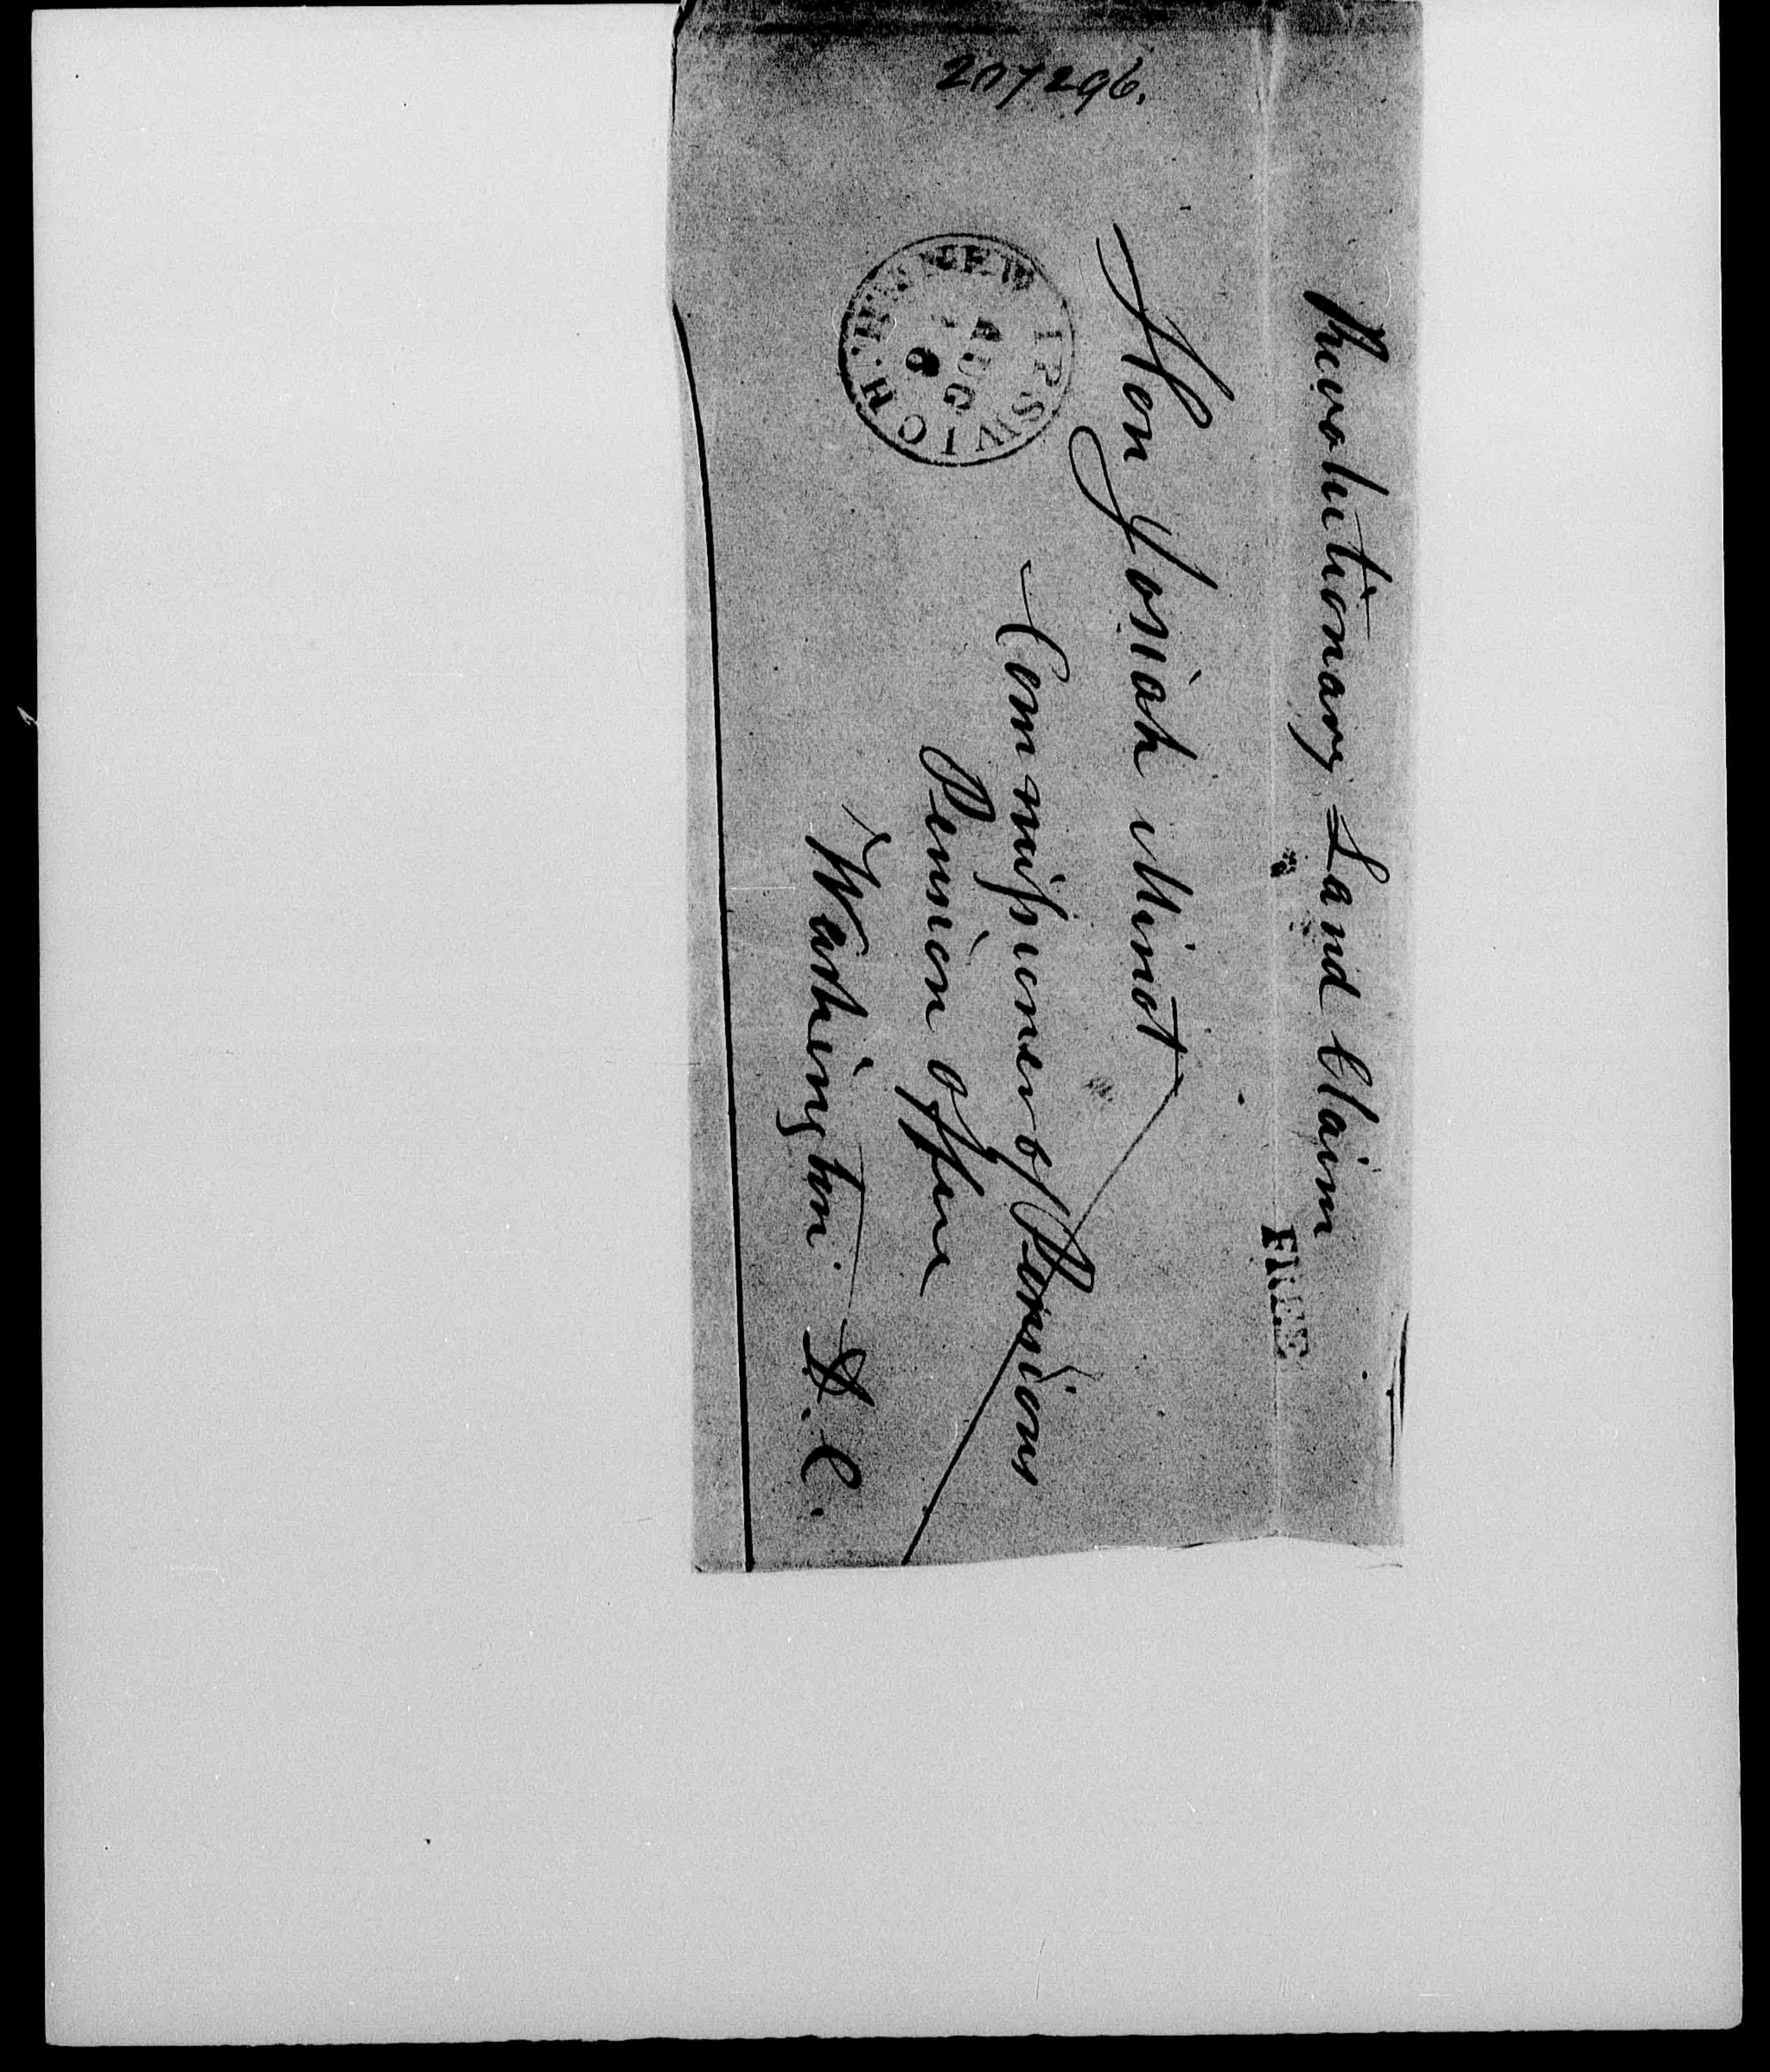207296
Revolutionary Land Claim FREE
Hon Josiah Minot
Commissioner of Pensions
Pension Office
Washington D.C.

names: Josiah Minot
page: 12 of 16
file: B. L. Wt, 36670-160-55, Abner Ball, Mass.